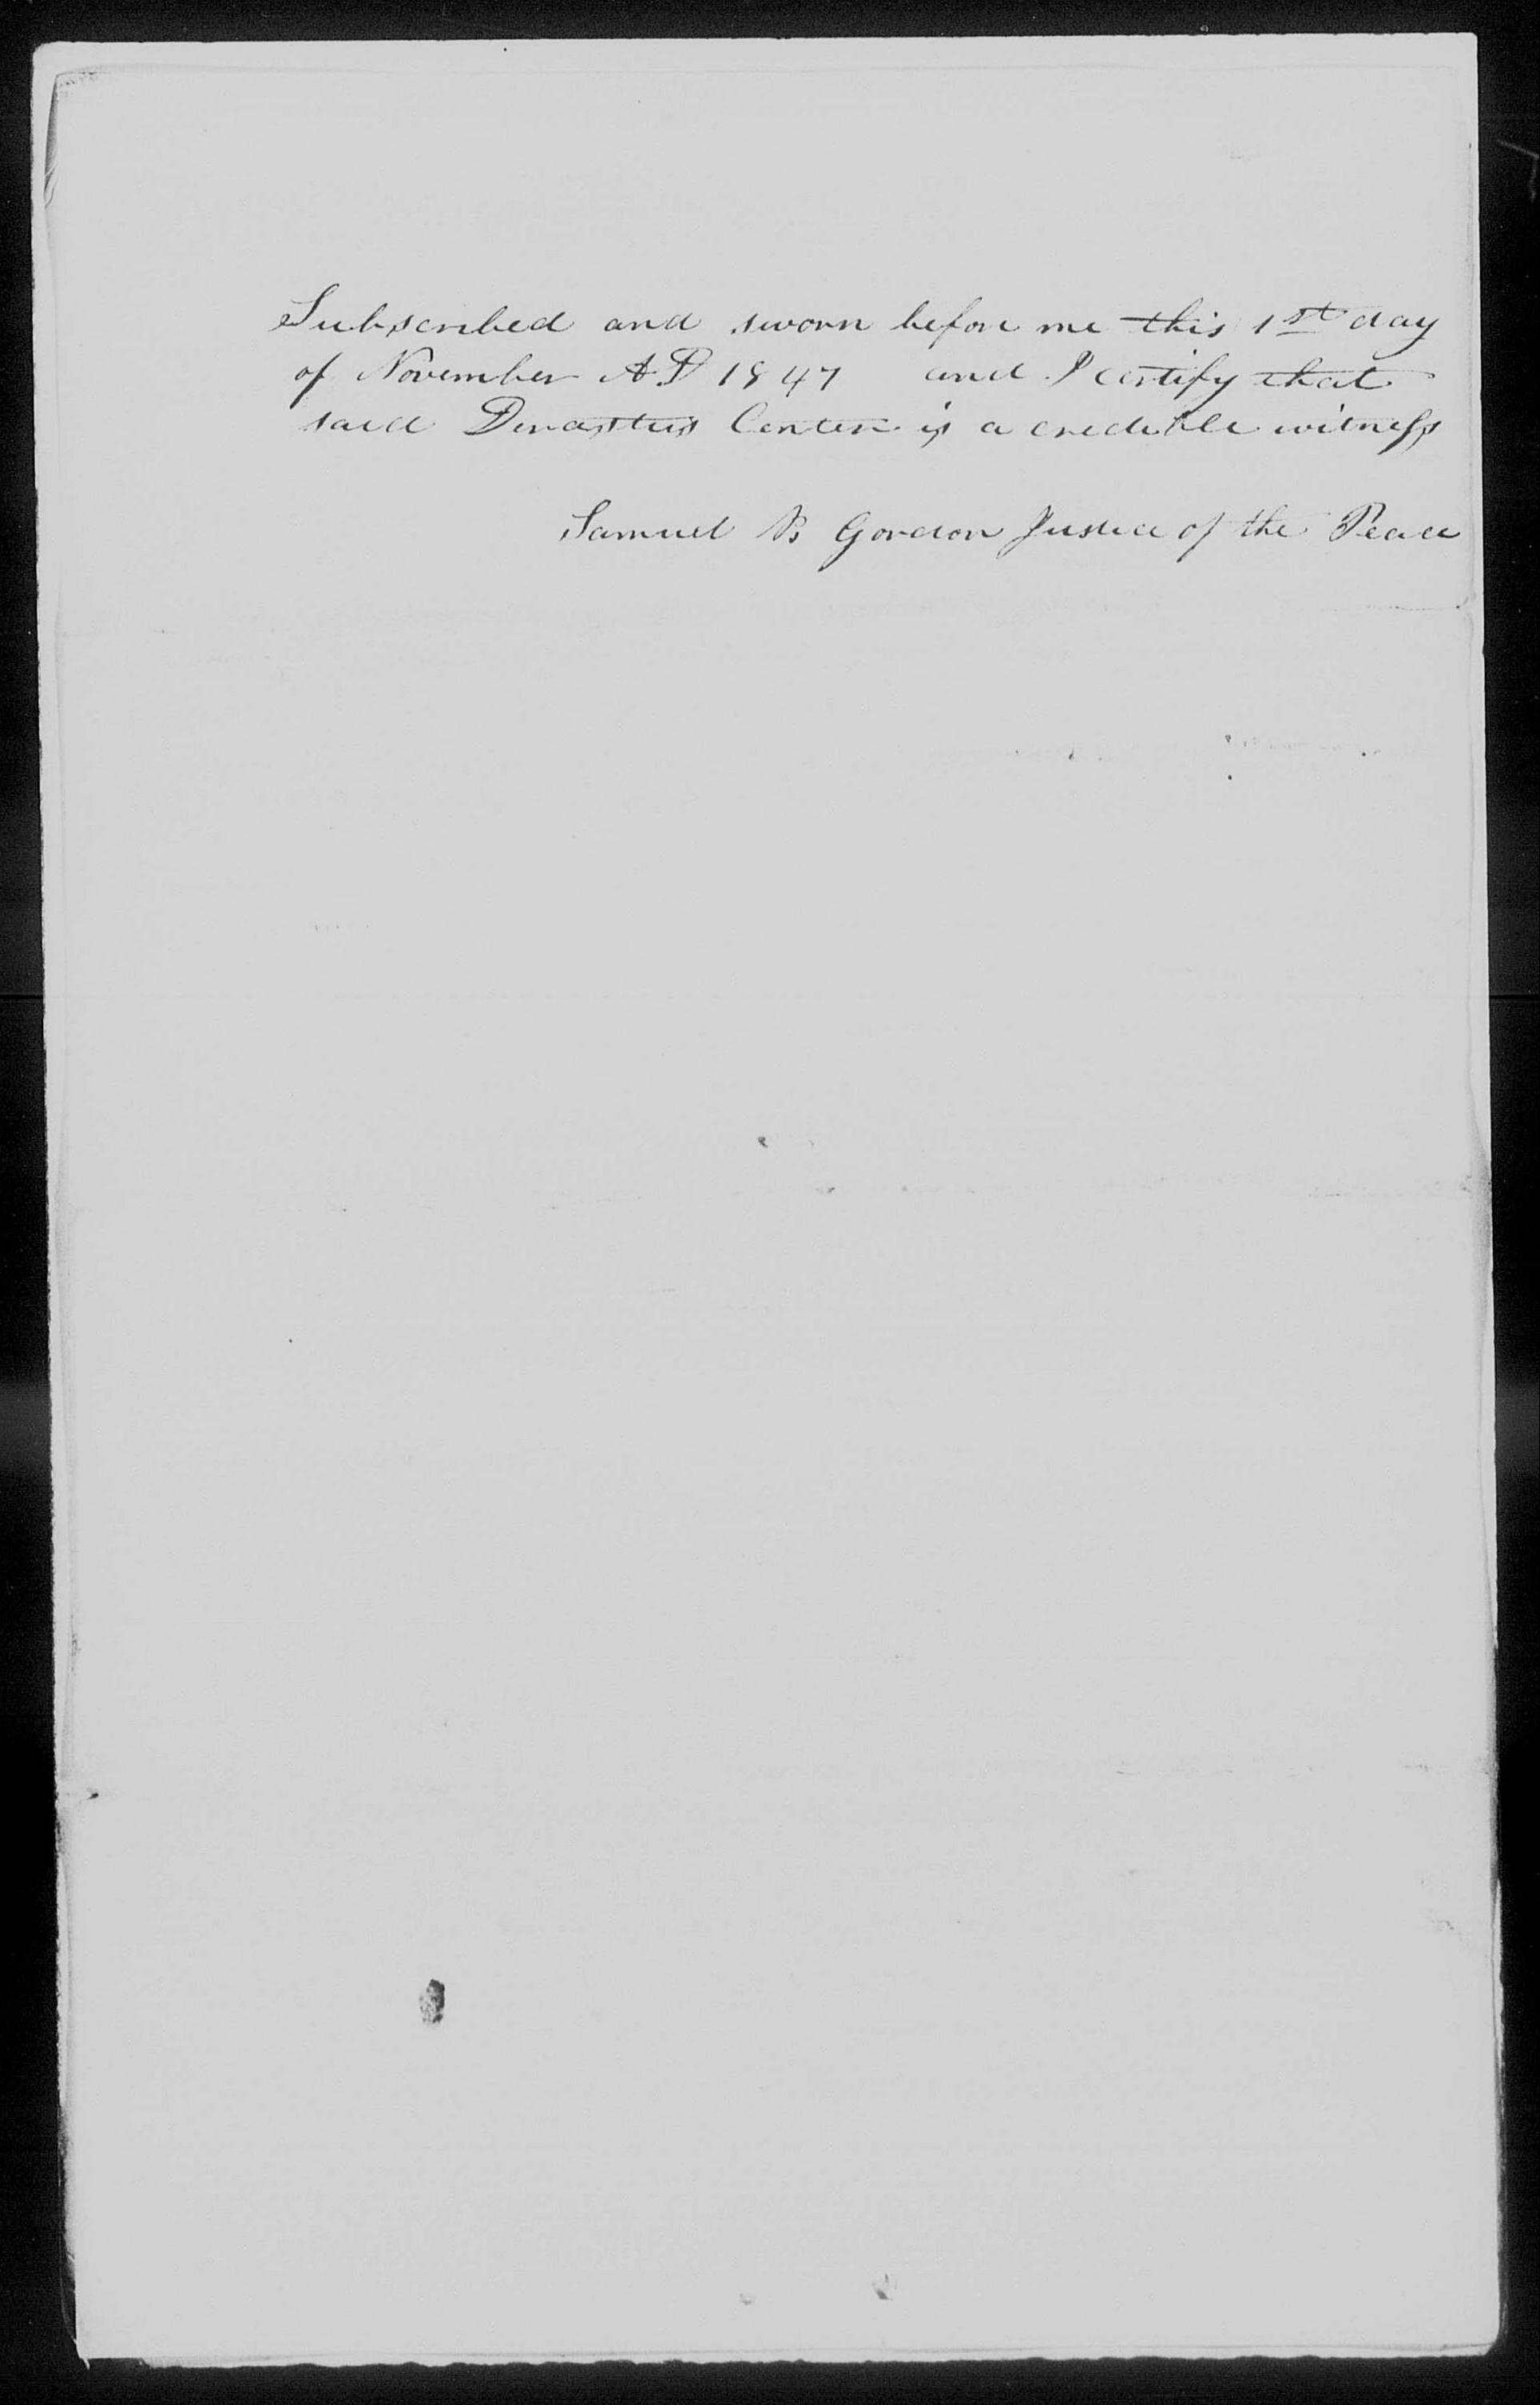Subscribed and sworn before me this 1st day of November AD 1847 and I certify that said Derastus Center is a credible witness

Samuel B Gordon Justice of the Peace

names: Samuel B Gordon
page: 8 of 106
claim: survivor's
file: S 23,116., Joshua Benedict, Conn.